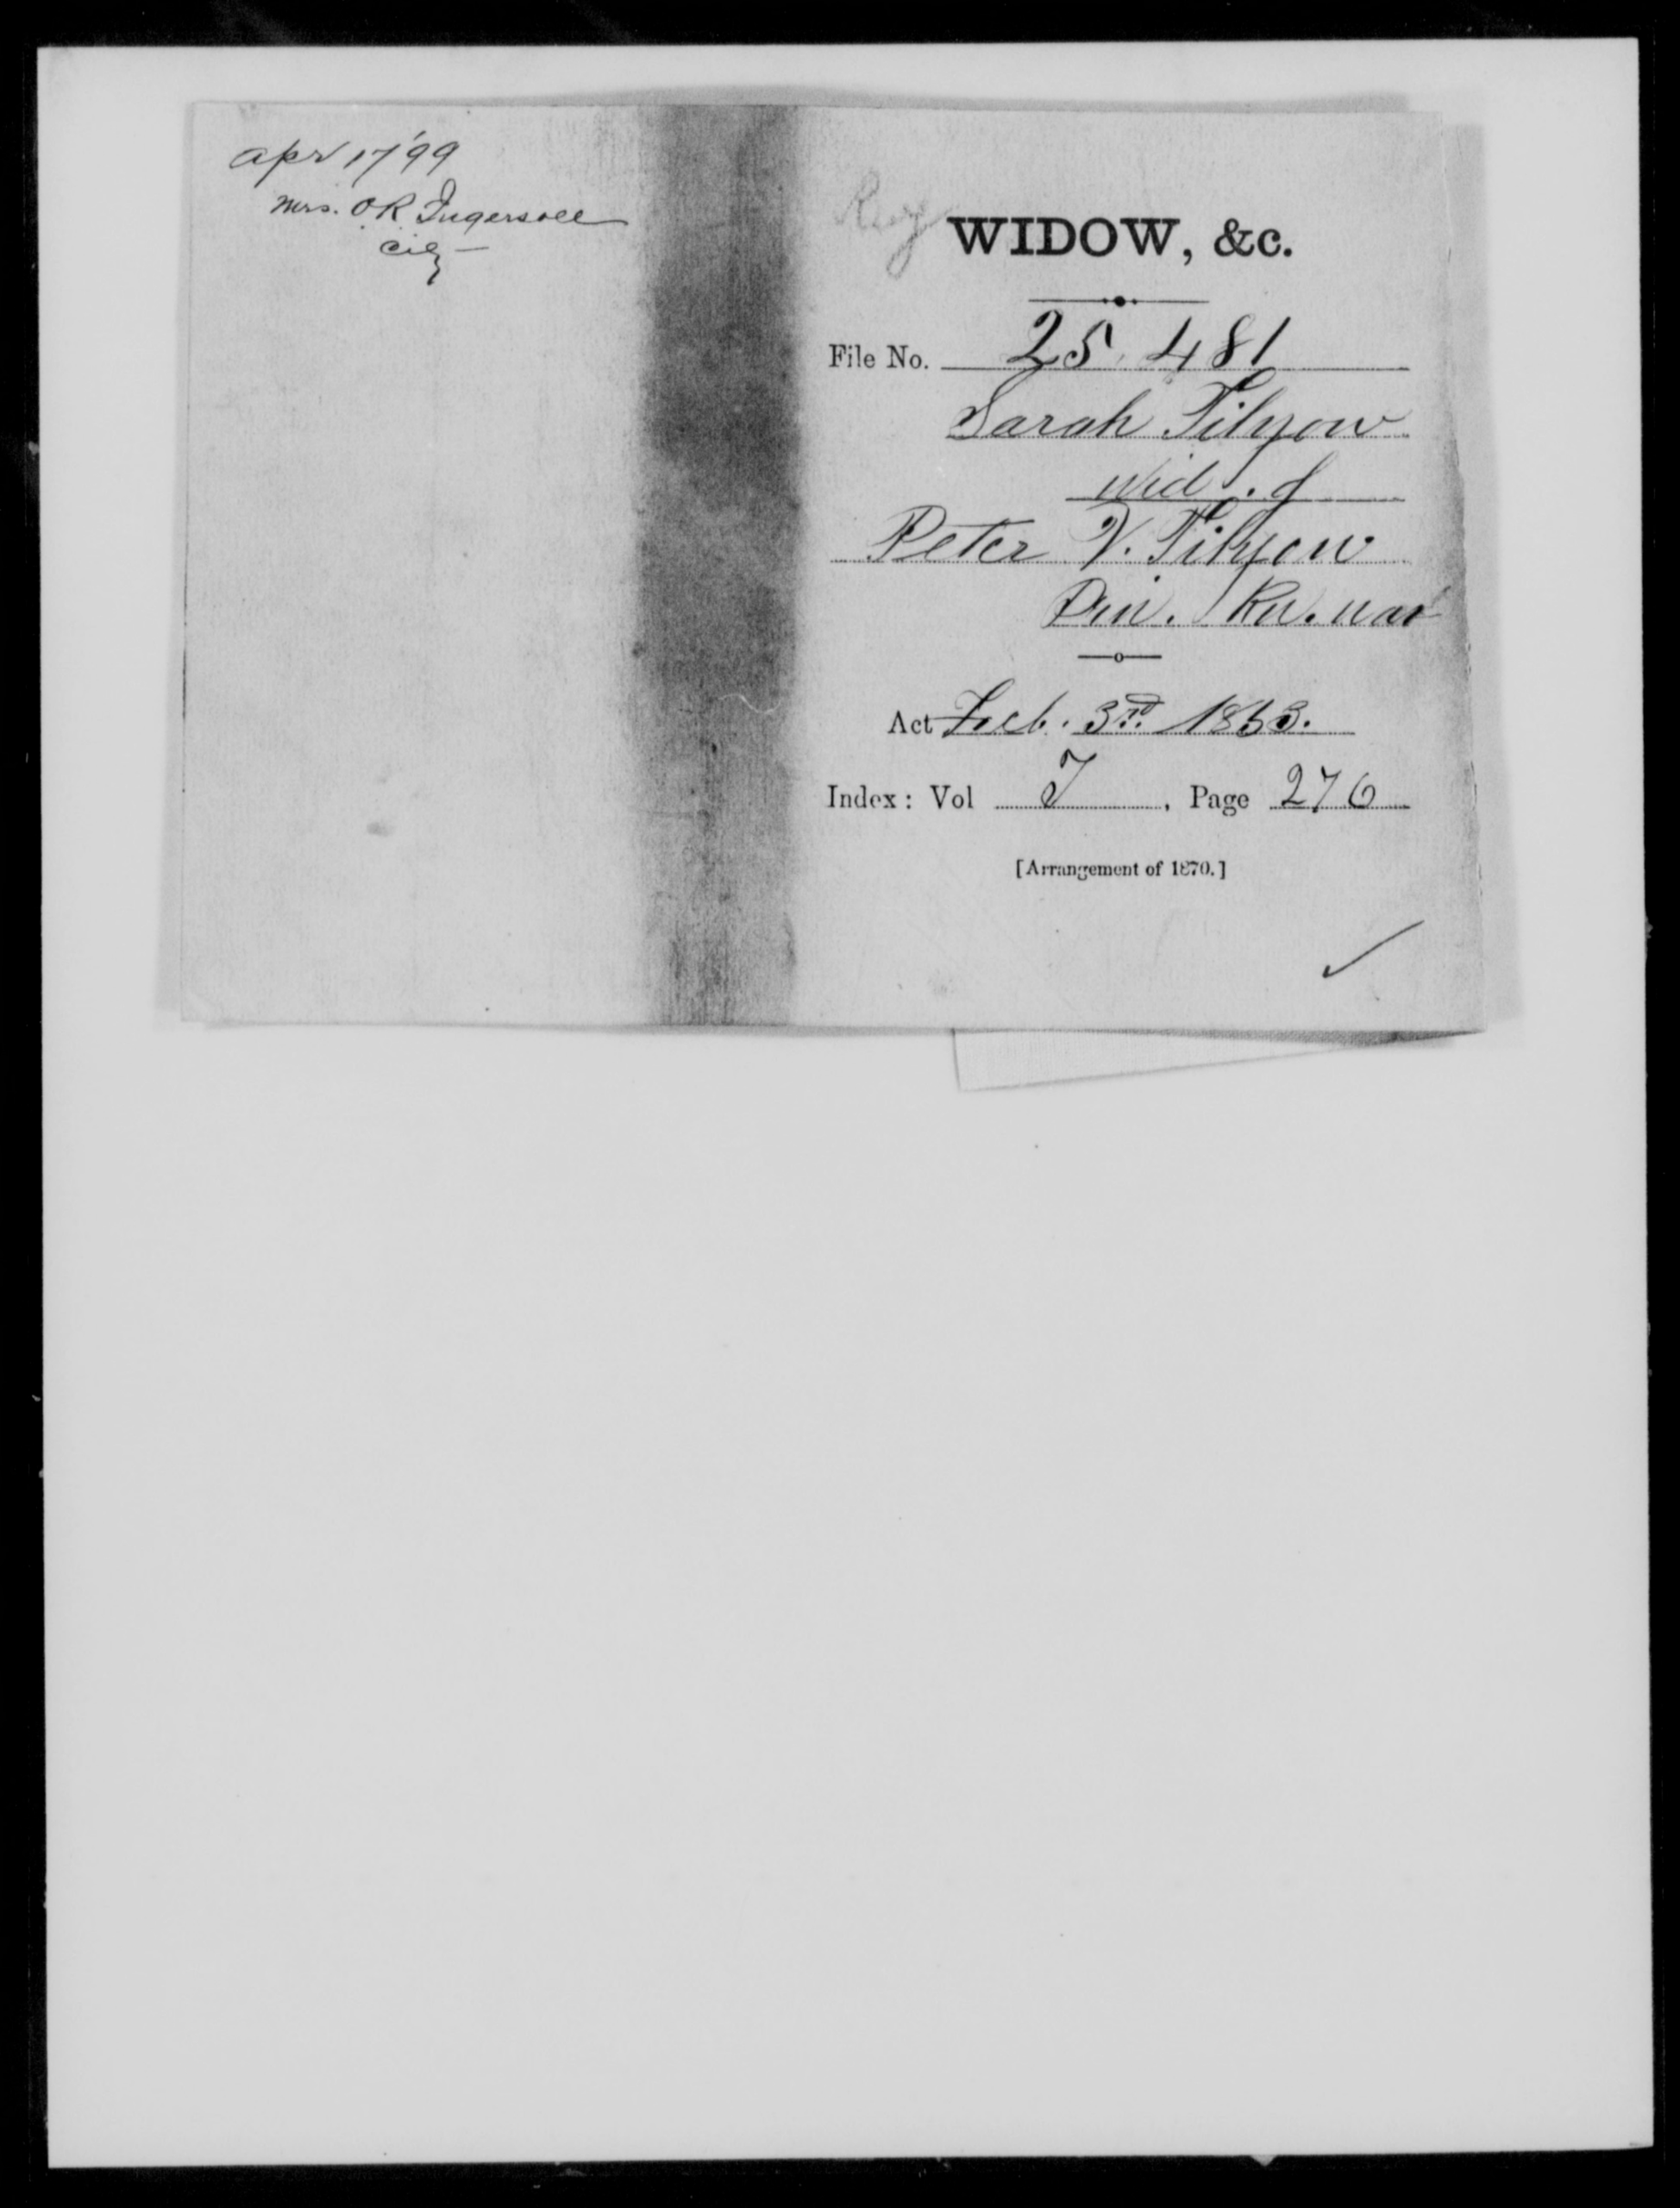Apr 1799
Mrs. O.R. Ingersoll
 [City?]

Revy
WIDOW & c
File no. 25,481
Sarah Tilyou
wid. of Peter V. Tilyou
Priv. Rev. war
Act Feb 3rd 1853
Index: Vol T, Page 276
 [Arrangement of 1870]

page: 42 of 101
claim: widow's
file: W. 25481, for Peter V Tilyou, New Jersey